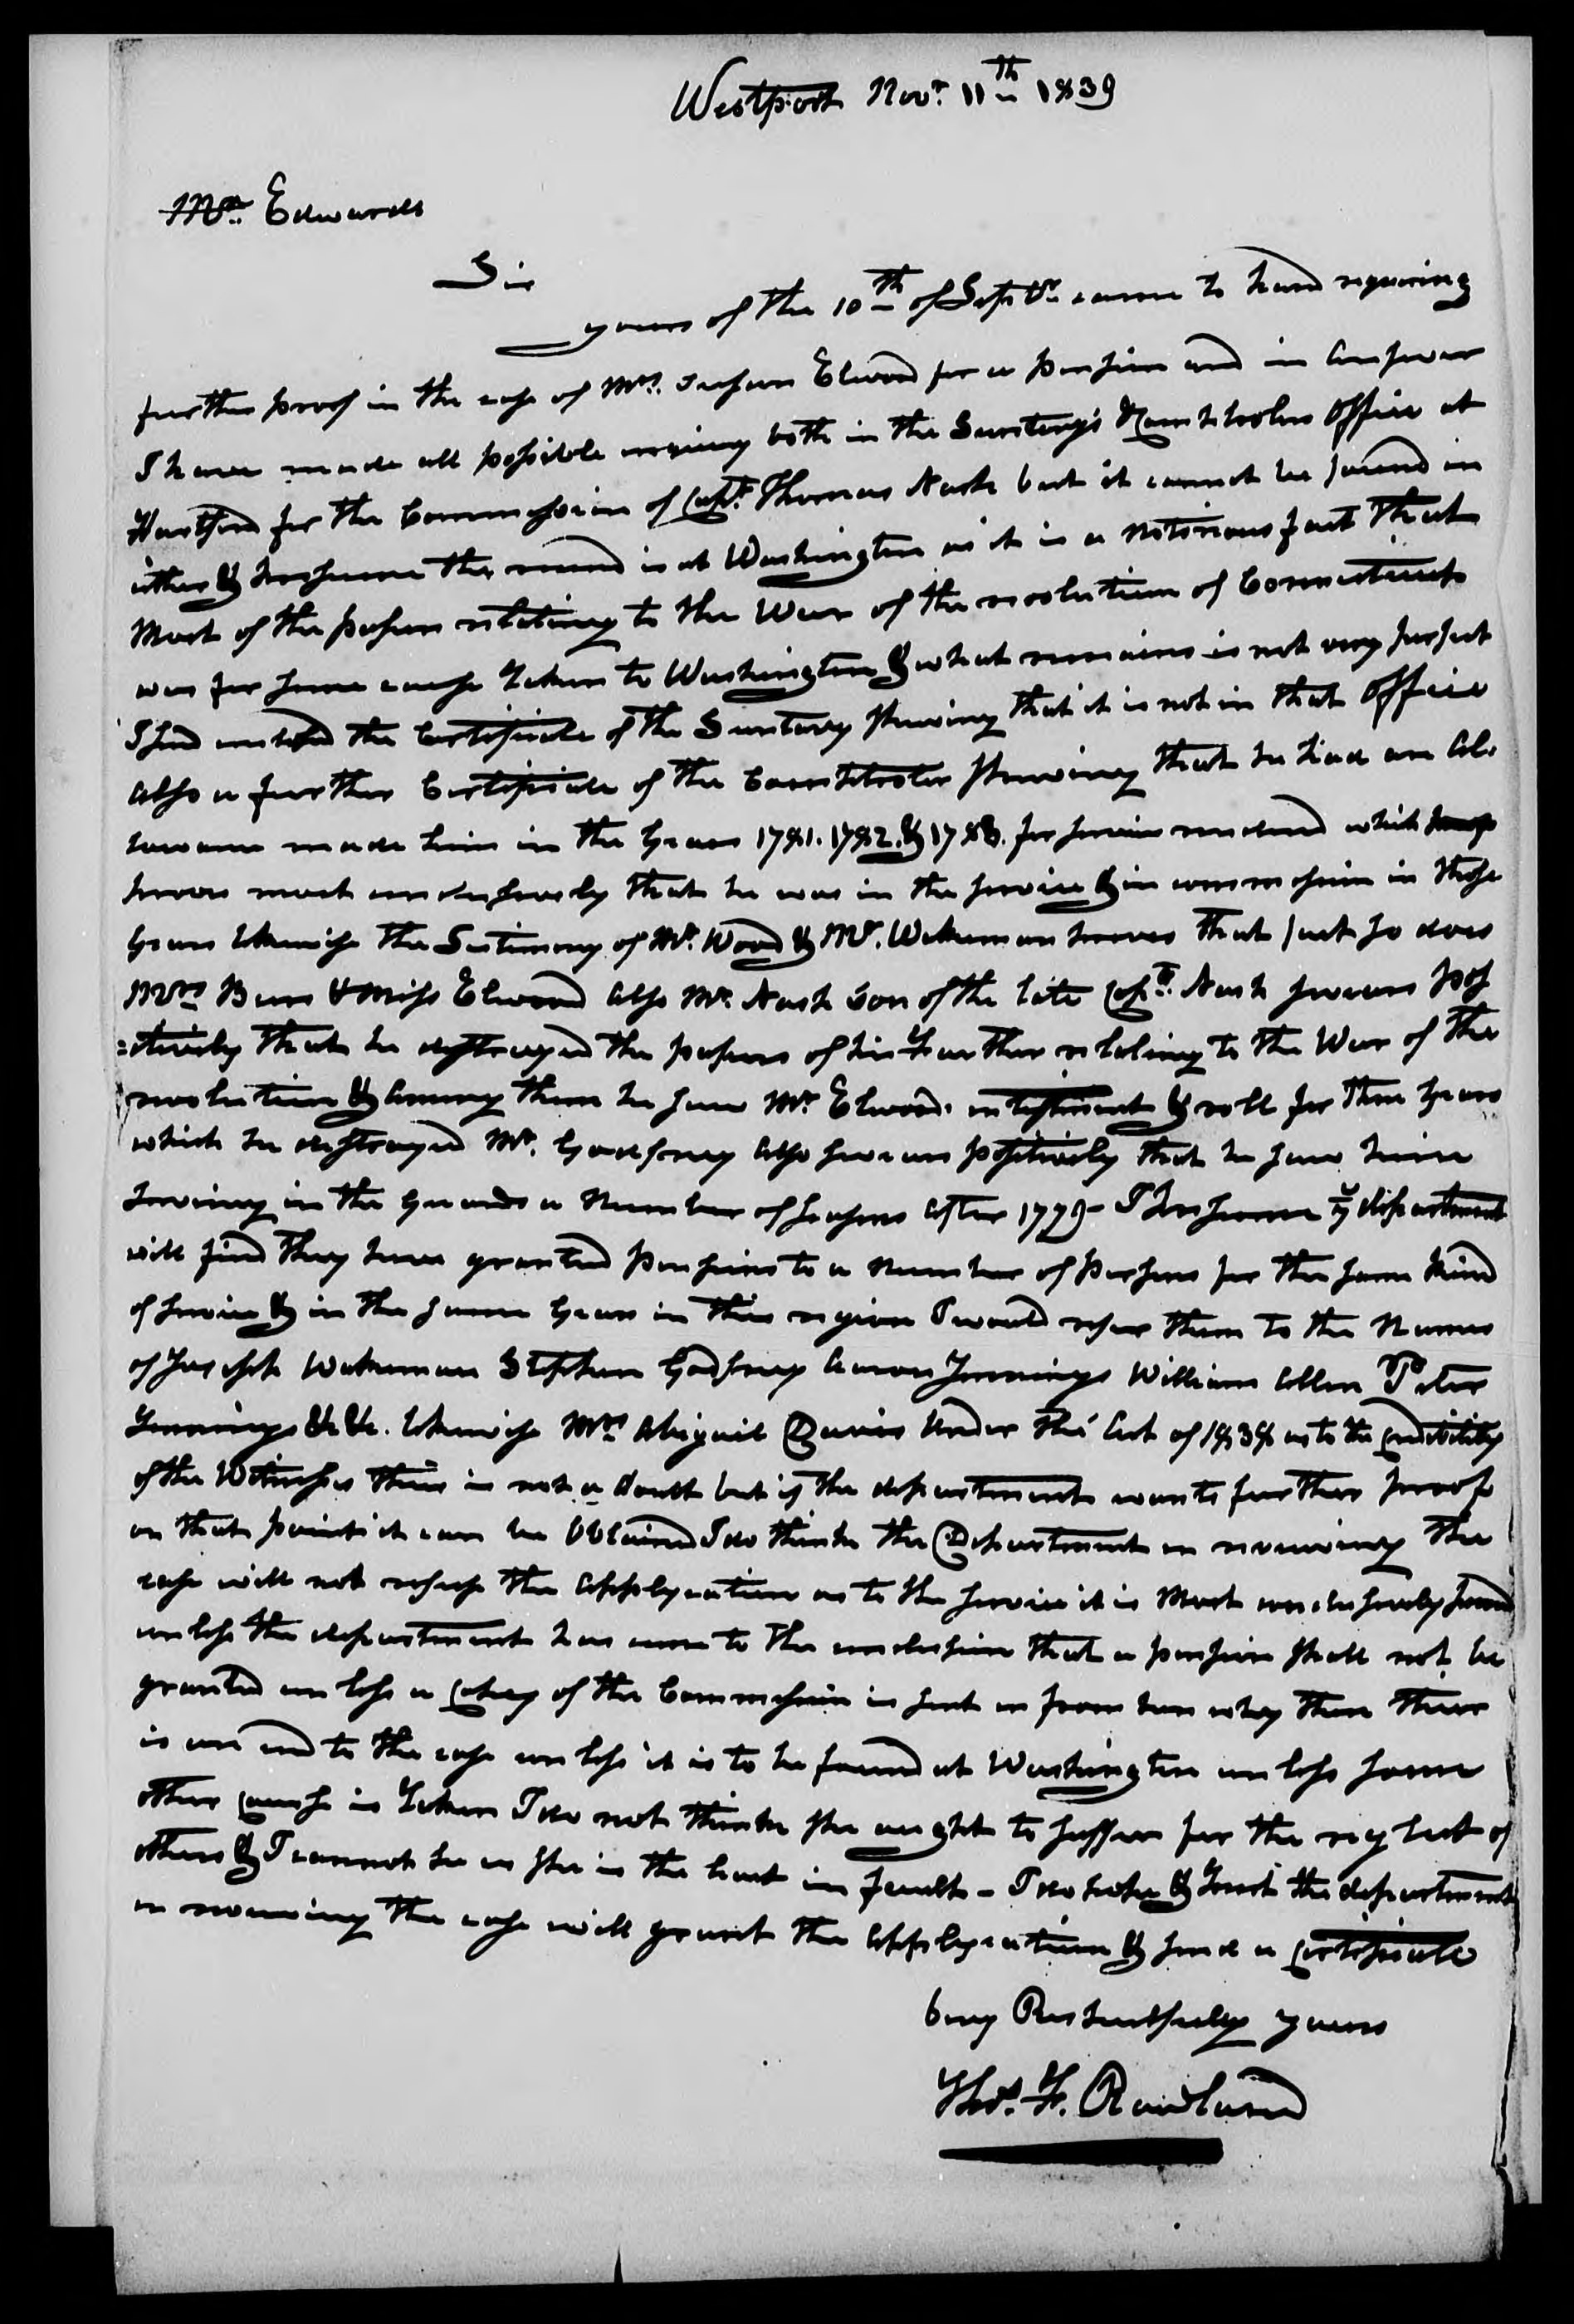Westport Nov. 11th 1830
Mr. Edwards
Sir
Yours of the 10th of Sept [...] to [...] requiring for this proof in the case of Mrs. [...] Edward for us [...] and in [...] I have made all possible [...] both in the [...] office at Hampton for the Commission of Capt. Thomas [...] but it is [...] he found in [...] this [...] is at Washington [...] it is a notorious fact that mark of the [...] to the War of the revolution of [...] to Washington [...] remains is not very [...] match the certificate of the Secretary [...] that [...] it is not in that office [...] is further [...] of the [...] time [...] order [...] in the years 1781, 1782 & [...] for [...] which keep [...] much [...] by that he was in the service [...] in that [...] the [...] of Mr. Wood  & Mr. [...] does [...] Elwood [...] of the late [...] activity [...] the purpose of his further[...] to the War of the revolution by [...] Mr. Elwood.  In [...] for these [...] which [...] Mr. Godfrey [...] was positively in the grounds in November of [...] after 1779 --- [...] life overturned will find they have you [...] kind of [...] in the in [...] this region I would refuse them the [...] of Joseph [...] Stephen Godfrey he was Jennings Williams Allen [...] Jennings [...] of Mrs. Abigail Davis [...] of 1838 [...] to the Creativity of this [...] but if the department [...] to further proof [...].  I do think this [...] on reviewing the case will not [...] this application [...] to the [...] it is Mark [...] in help [...] 2 mo [...] to [...] not be granted can help [...] of this Commission in [...] from [...] is [...] and to this way can help is in to be found at Washington can help form others [...] I do not think this aught to [...] for this my list of others I cannot [...] as this is the  hunt in [...].  I do furthers [...] the department in [...] will you work this application 
Being Respectfully Yours
Mrs. F. Rainburn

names: William Allen, Peter Jennings, Godfrey, Anna Jennings, Nash, Thomas Nash, Wm Edwards, Wood, Elwood, Susan Elwood, Abigail Davis, Burr, Stephen Godfrey, Nash, Elwood, Thos F Rowland, Wakeman, Joseph Wakeman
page: 14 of 69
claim: widow's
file: W. 25562, Abijah Elwood, Conn.